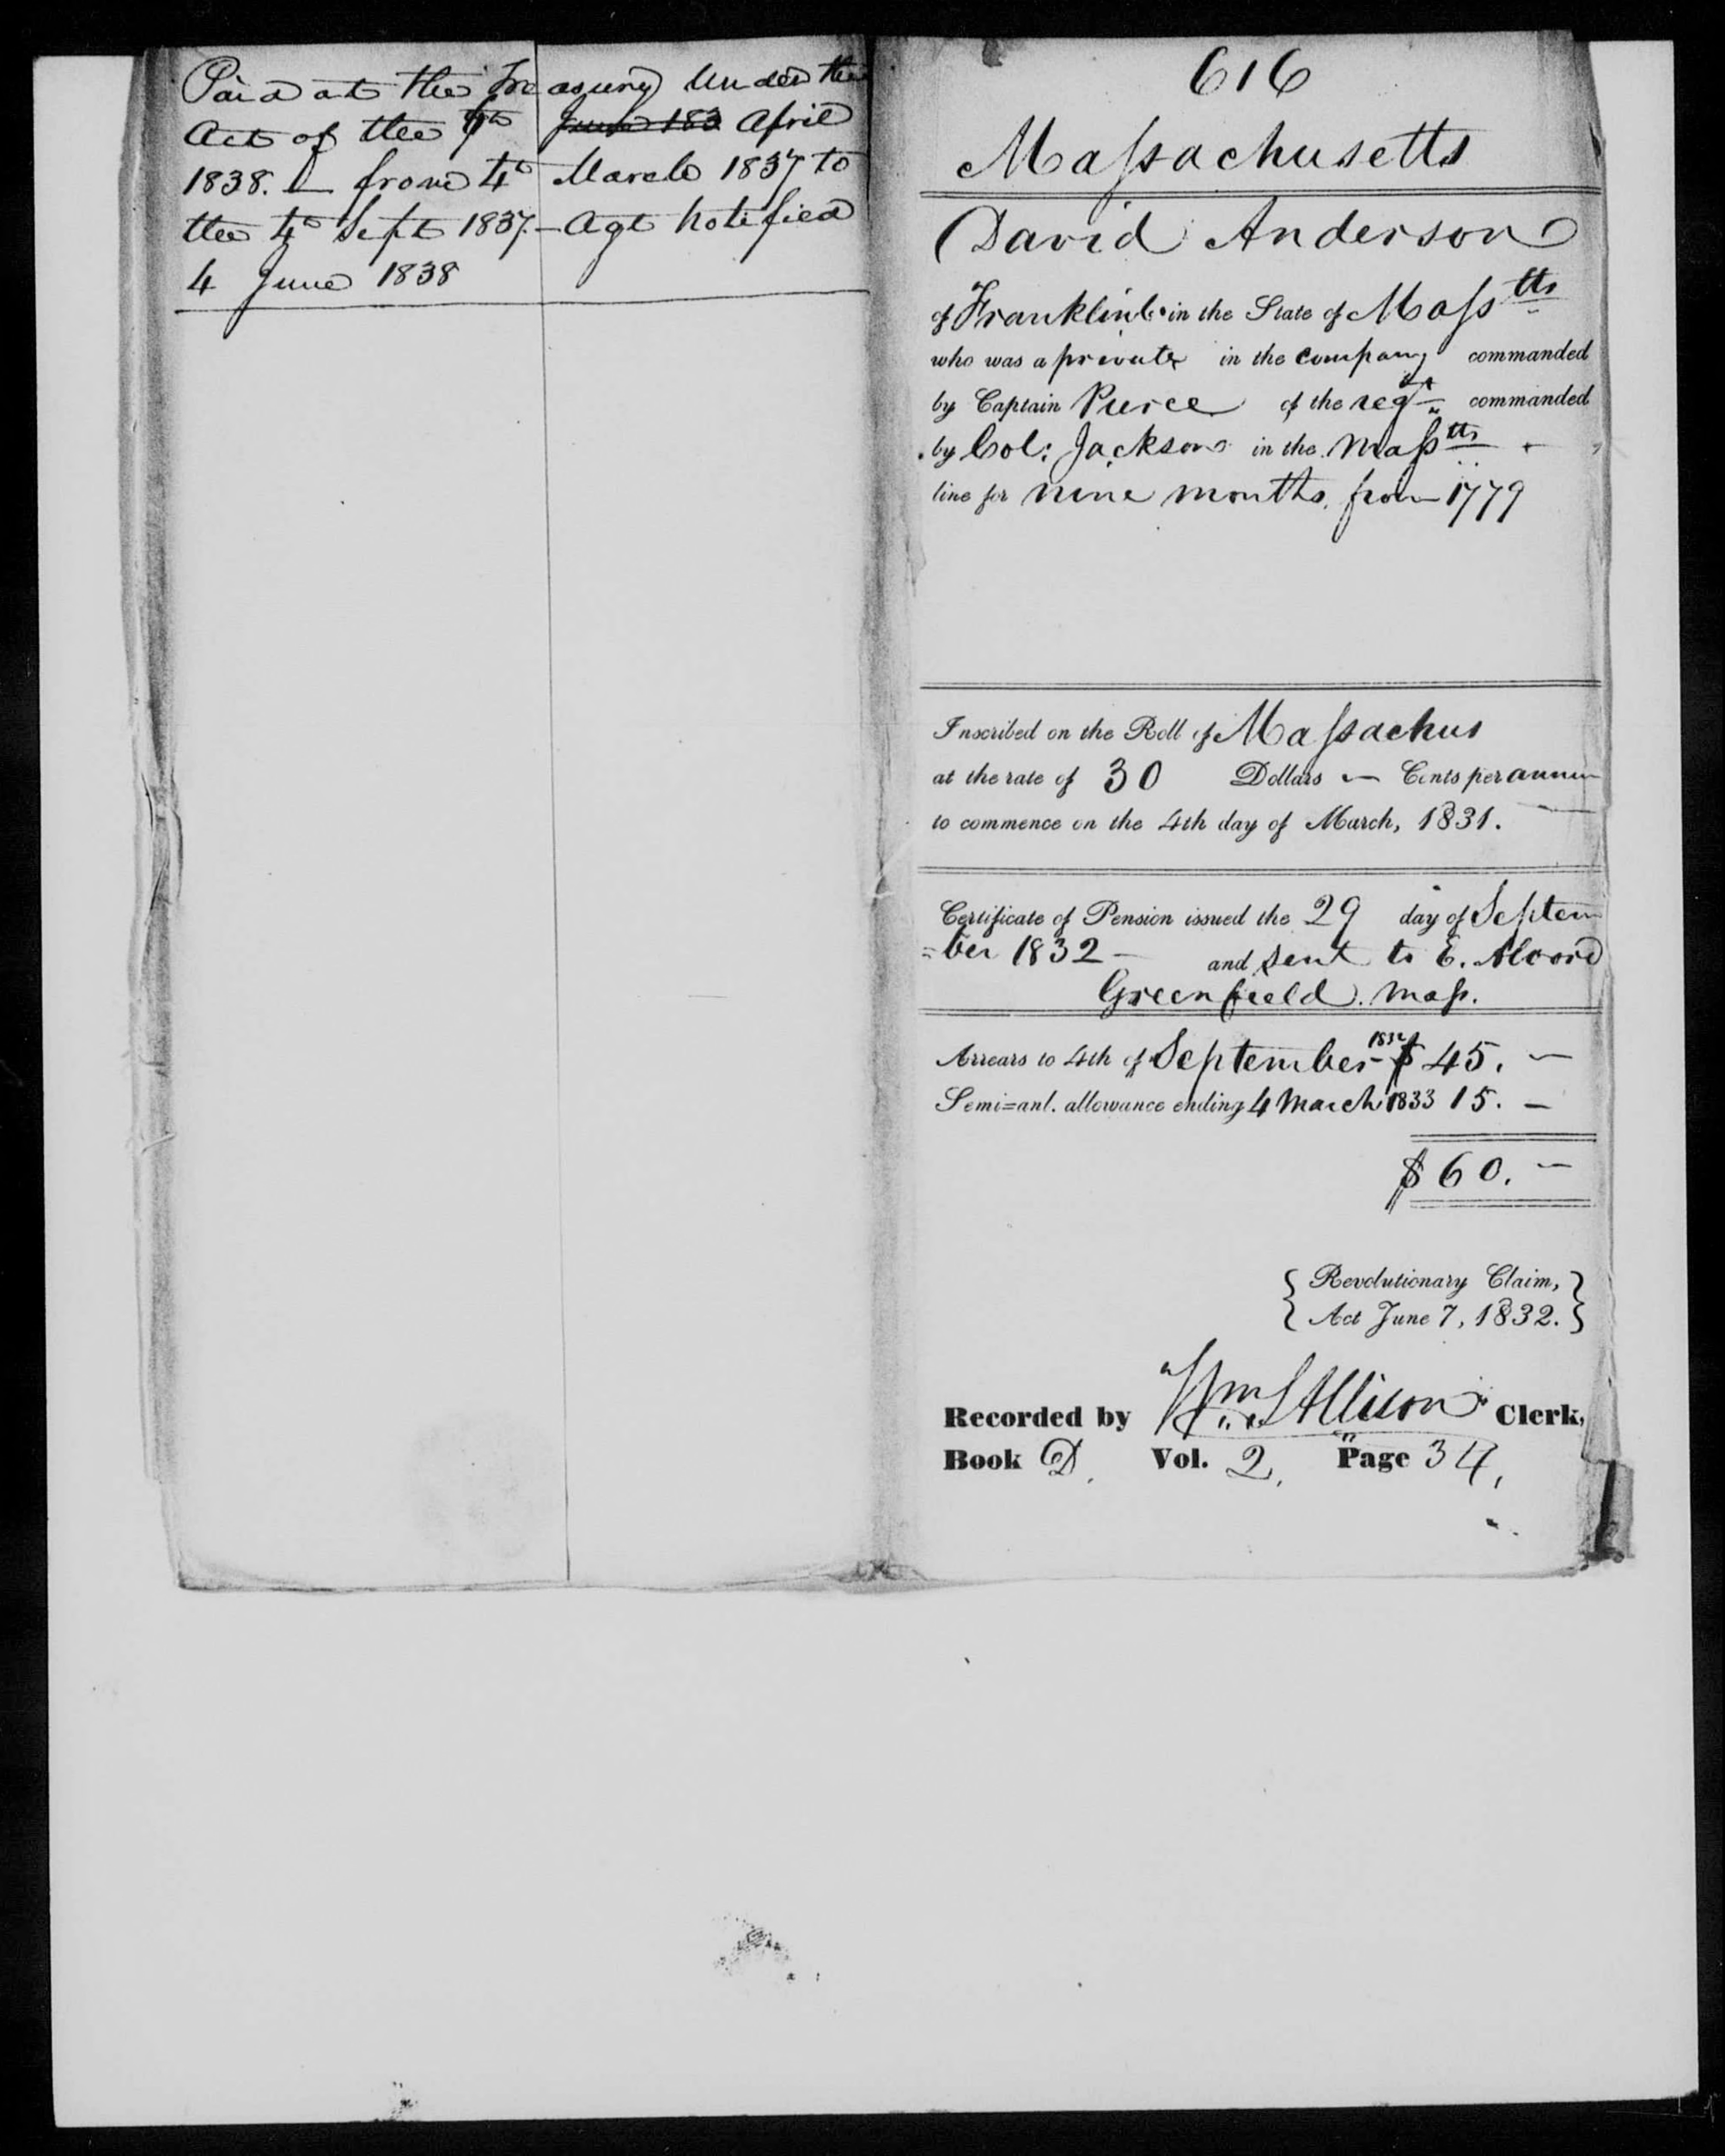[page 1]
Paid at the Treasury under Act of the [June 183 crossed out] April 1838 from 4 March 1837 to
the 4th Sept 1837. Agt Notified 4 June 1838

[Page 2]
616
Massachusetts
David Anderson
of Franklin in the State of Masstts
who was a private in the company commanded
by Captain Pierce of the regt commanded
by Col. Jackson in the Masstts
line for nine months from 1779

Inscribed on the Roll of Massachus
at the rate of 30 Dollars - Cents per annum
to commence on the 4th day of March, 1831.

Certificate of Pension issued the 29 day of September 1832 and sent to E. Alvord
Greenfield Mass.

Arrears to 4th of September  1832            $45.-
Semi=anl. allowance ending 4 March 1833 15.-
                                                                    $60.-

Revolutionary Claim,
Act June 7, 1832.

Recorded by Wm Allison Clerk
Book D Vol. 2 Page 34.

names: Wm L Allison, E Alvord, David Anderson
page: 8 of 39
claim: widow's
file: W. 20624, David Anderson, Mass